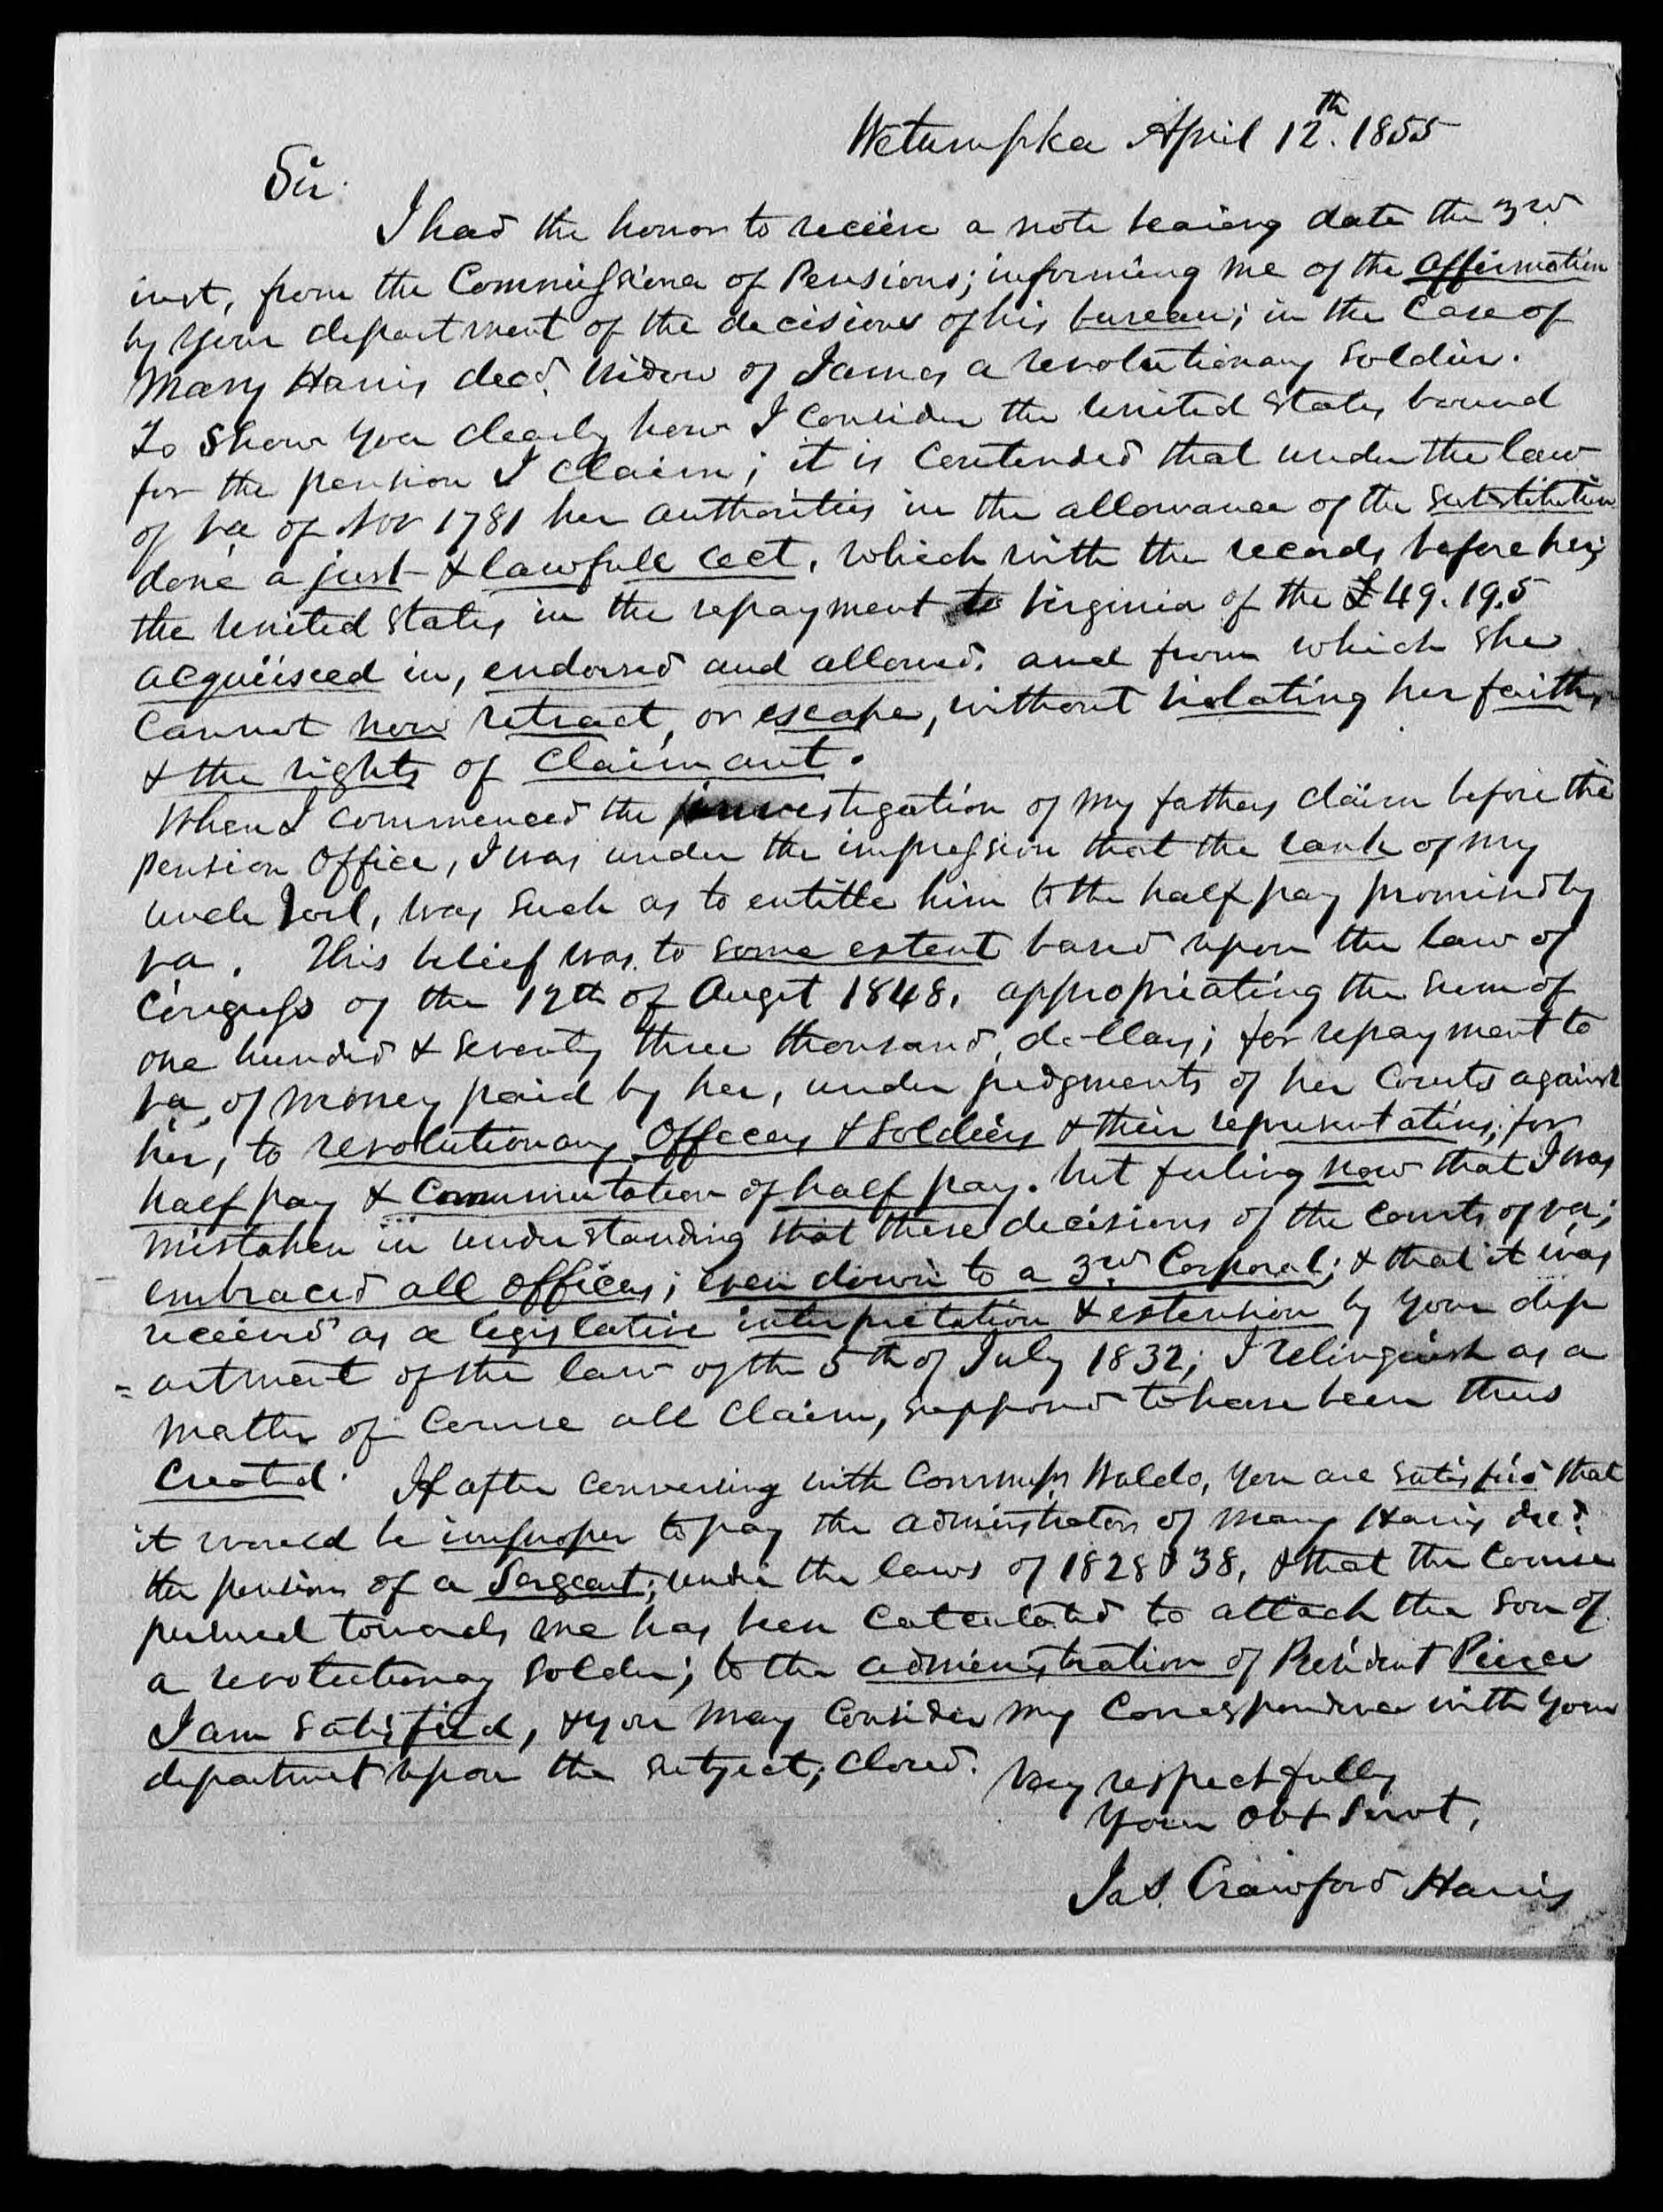Wetumpka April 12th 1855

Sir:
I had the honor to receive a note bearing date the 3rd inst, from the Commissioner of Pensions, informing me of the Affirmation by your department of the decisions of his bureau, in the case of Mary Harris decd widow of James, a revolutionary soldier, to show you clearly how I consider the United States bound for the pension I claim, it is contended that under the law of Va of Nov 1781 her authorities in the allowance of the substitution done a just & lawfull [sic] act, which with the records before her, the United States in the repayment to Virginia of the [pound sterling]49.19.5  acquiesced in, endorsed and allowed, and from which she cannot now retract, or escape, without violating her faith, & the rights of claimant.
When I commenced the investigation of my fathers claim before the pension office, I was under the impression that the rank of my uncle Joel was such as to entitle him to the half pay promised by Va.  This belief was to some extent based upon the law of Congress of the 12th of Augst 1848, appropriating the sum of one hundred & seventy three thousand dollars, for repayment to Va of money paid by her, under judgments of her courts against her, the revolutionary officers & soldiers & their representatives, for half pay & commutation of half pay.  But feeling now that I am mistaken in understanding that these decisions of the courts of Va embraced all offices, even down to a 3rd corporal & that it was received as a legislative interpretation & extension by your department of the law of the 5th of July 1832, I relinquish as a matter of course all claim, supposed to have been thus created.
If after conversing with Commisr. Waldo, you are satisfied that it would be improper to pay the administrator of Mary Harris decd the pension of a sergeant, under the laws of 1828 & 1838, & that the course pursued towards me has been calculated to attack the son of a revolutionary soldier, to the administration of President Pierce, I am satisfied, & you may consider my correspondence with your department upon the subject, closed.
Very respectfully
Your obt servt,
Jas. Crawford Harris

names: Mary Harris, Jas Crawford Harris, James Harris, Mary Harris, Joel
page: 54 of 160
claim: rejected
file: R. 4666, James Harris, Va.